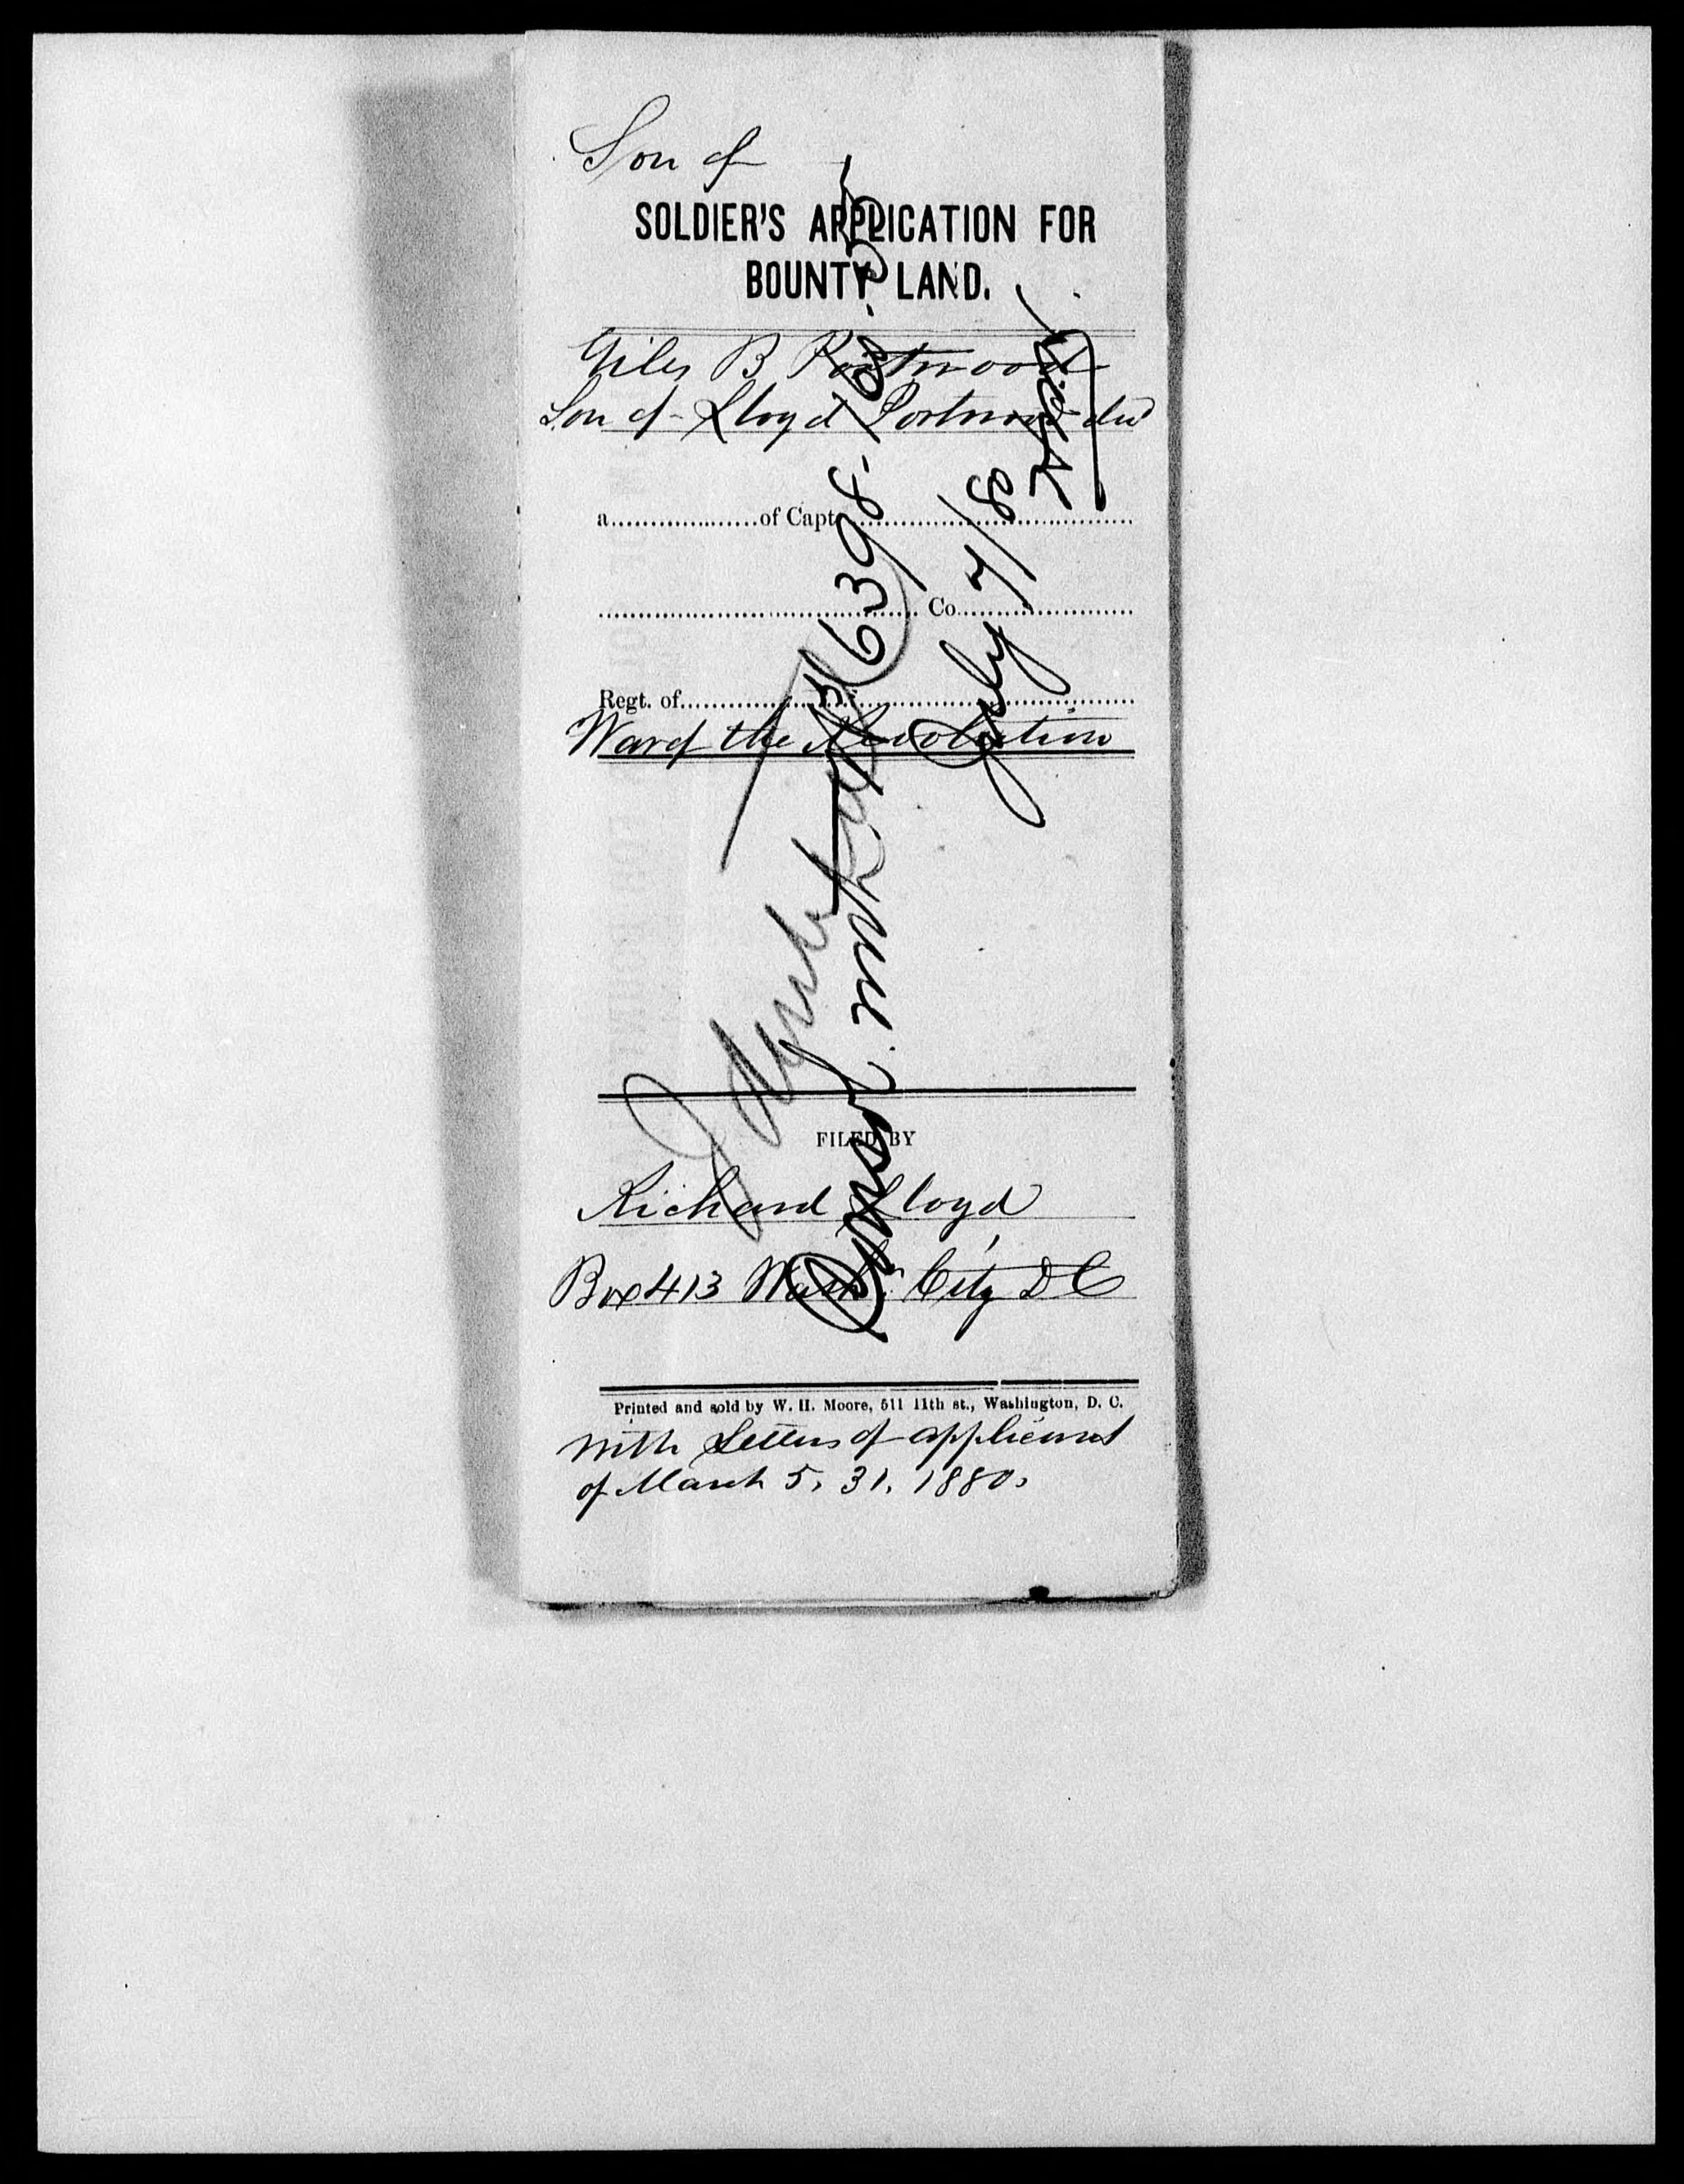Son of
SOLDIER'S ARPPICATION FOR
BOUNTY LAND.
Giles B Portwood
Son of Lloyd Portwood-decd
a [blank] of Capt. [blank]
[blank] Co [blank]
Regt. of [blank]
War of the Revolution
FILED BY
Richard Lloyd
Box 413 Wash City DC
Printed and sold by W.H. Moore, 511 11th st., Washington, D.C.
with Letters of applicant
of March 5, 31, 1880.
[form overwritten with following]
Identified
Consol mh W6398-160-55
July 7/80
Hm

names: Giles B Portwood; Lloyd Portwood; Richard Lloyd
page: 12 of 50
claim: widow's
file: W. 1929, for Lloyd Portwood, Virginia